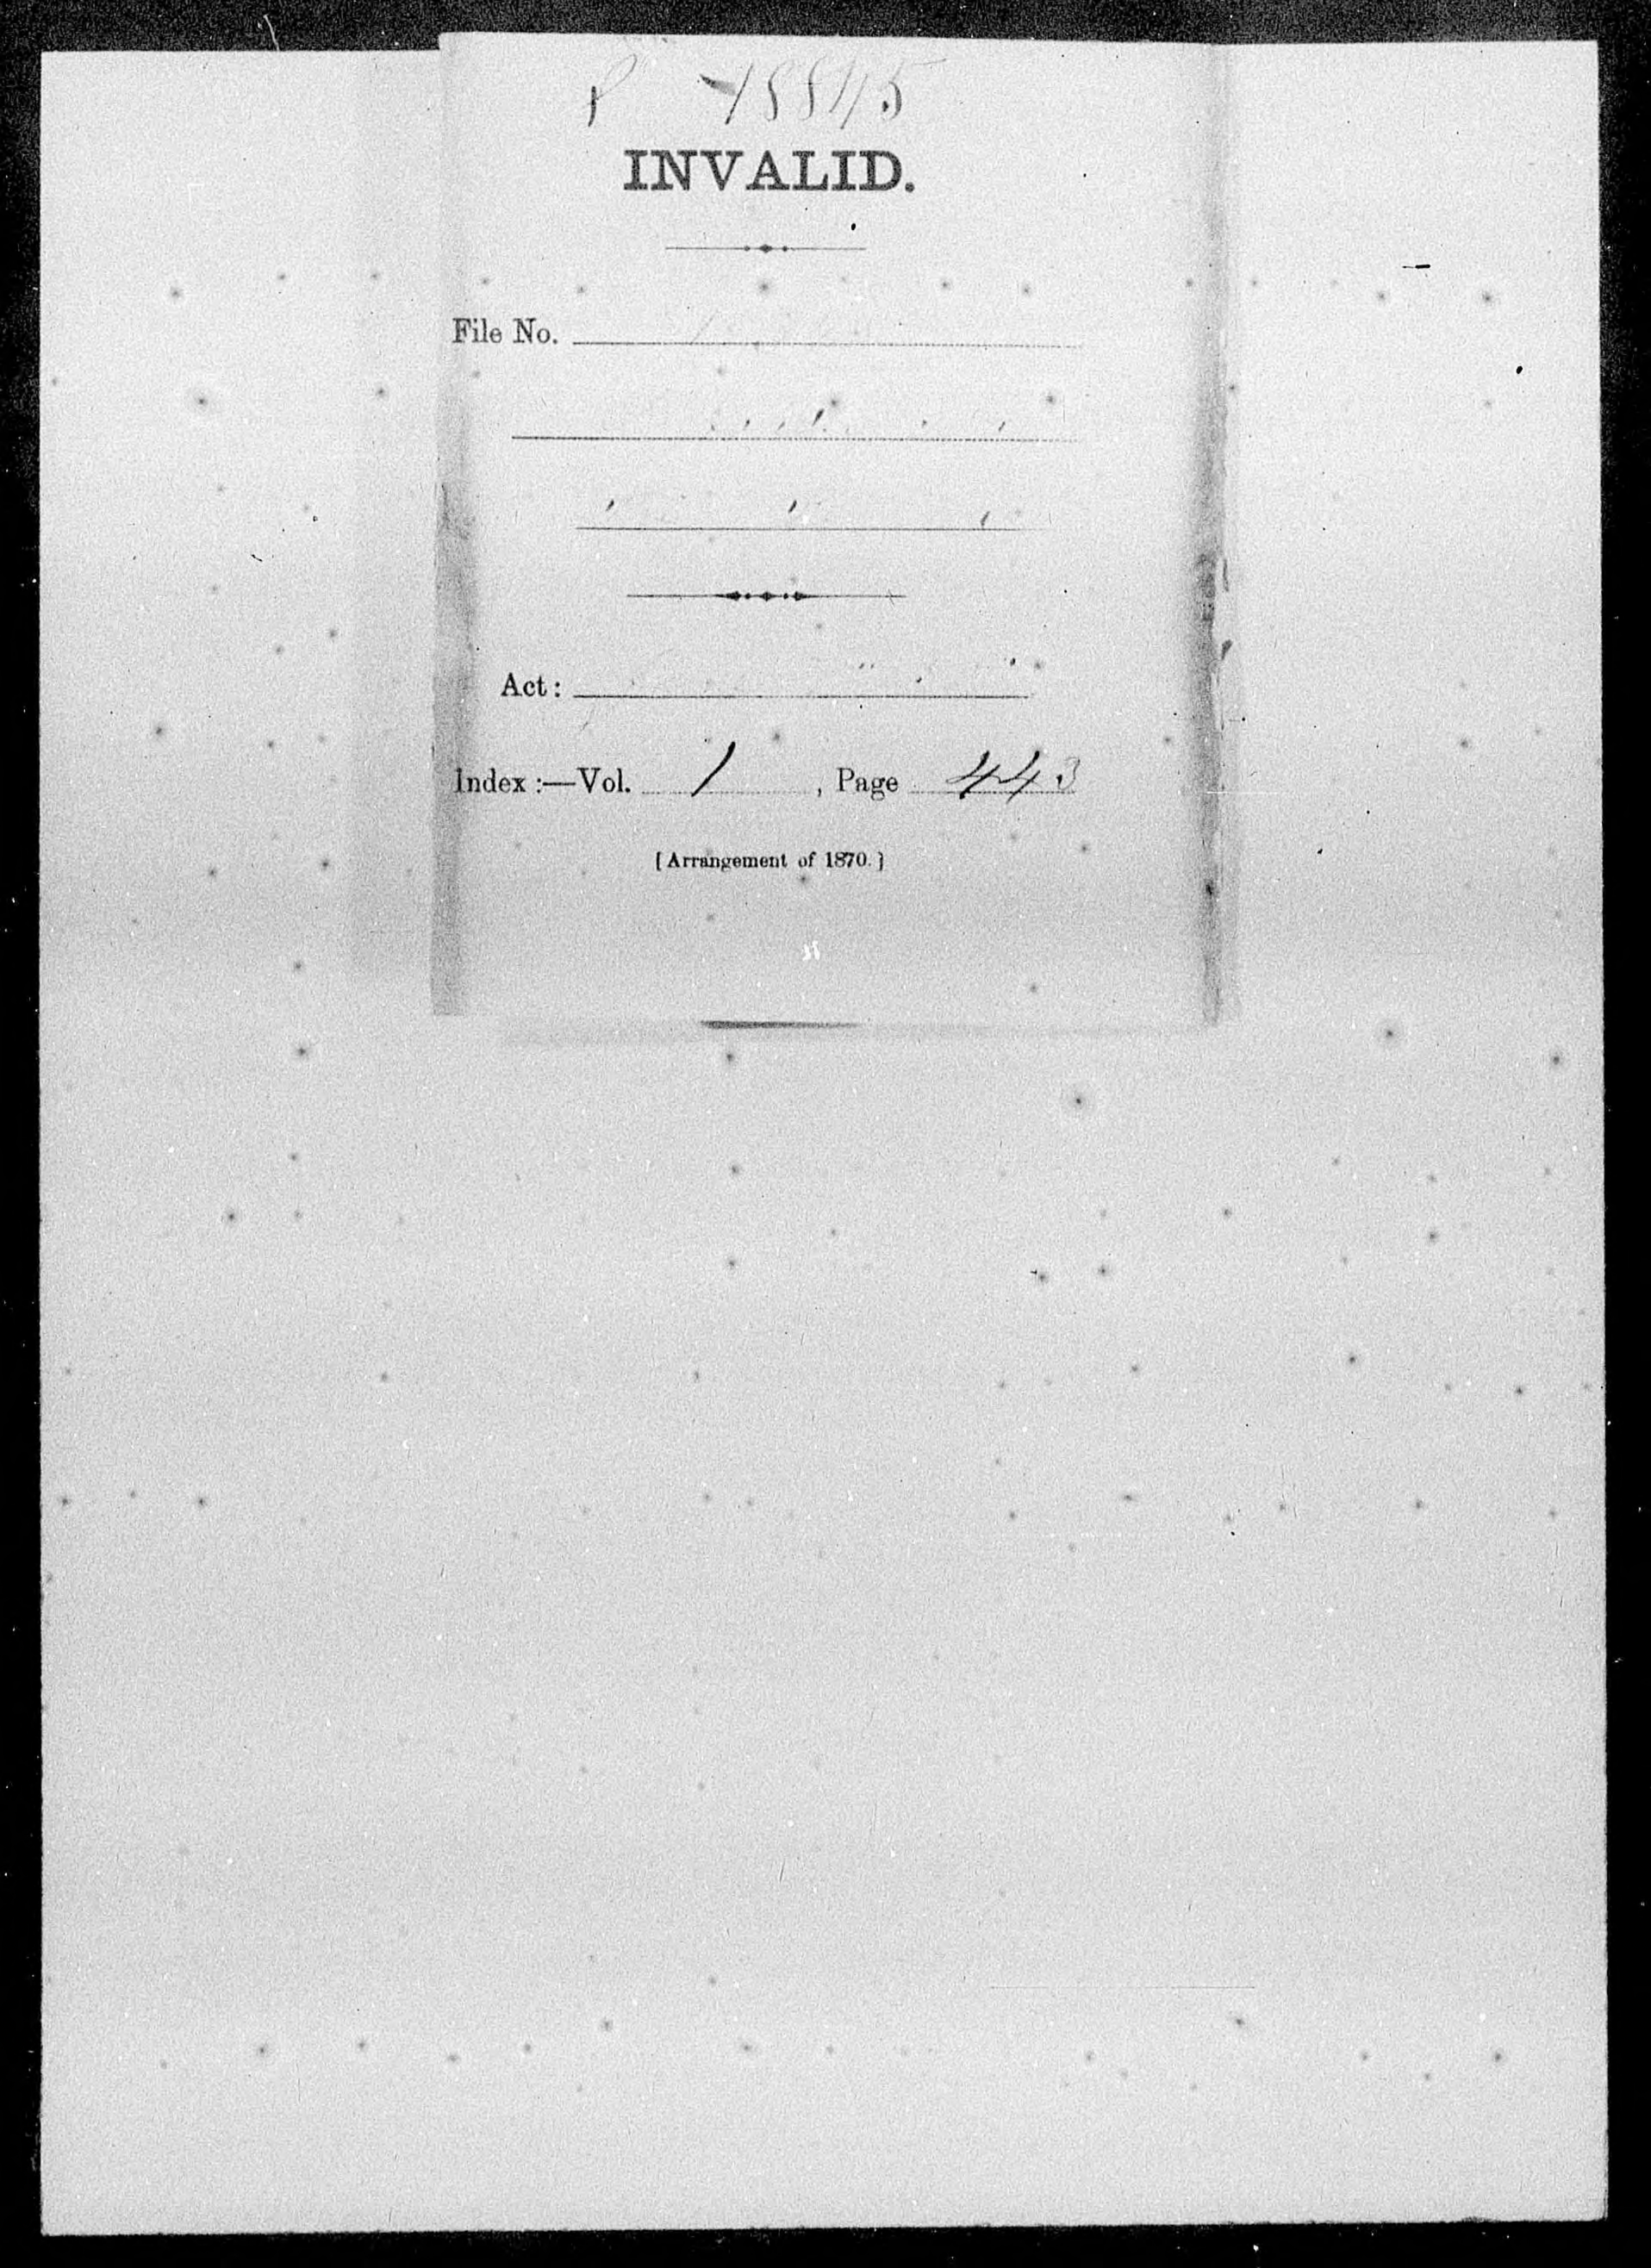P 188115
INVALID.
File No.
Act :

Index: -- Vol. 1, Page 443
[ Arrangement of 1870. ]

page: 2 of 13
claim: survivor's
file: S. 18845, Alexander Gray, Mass.